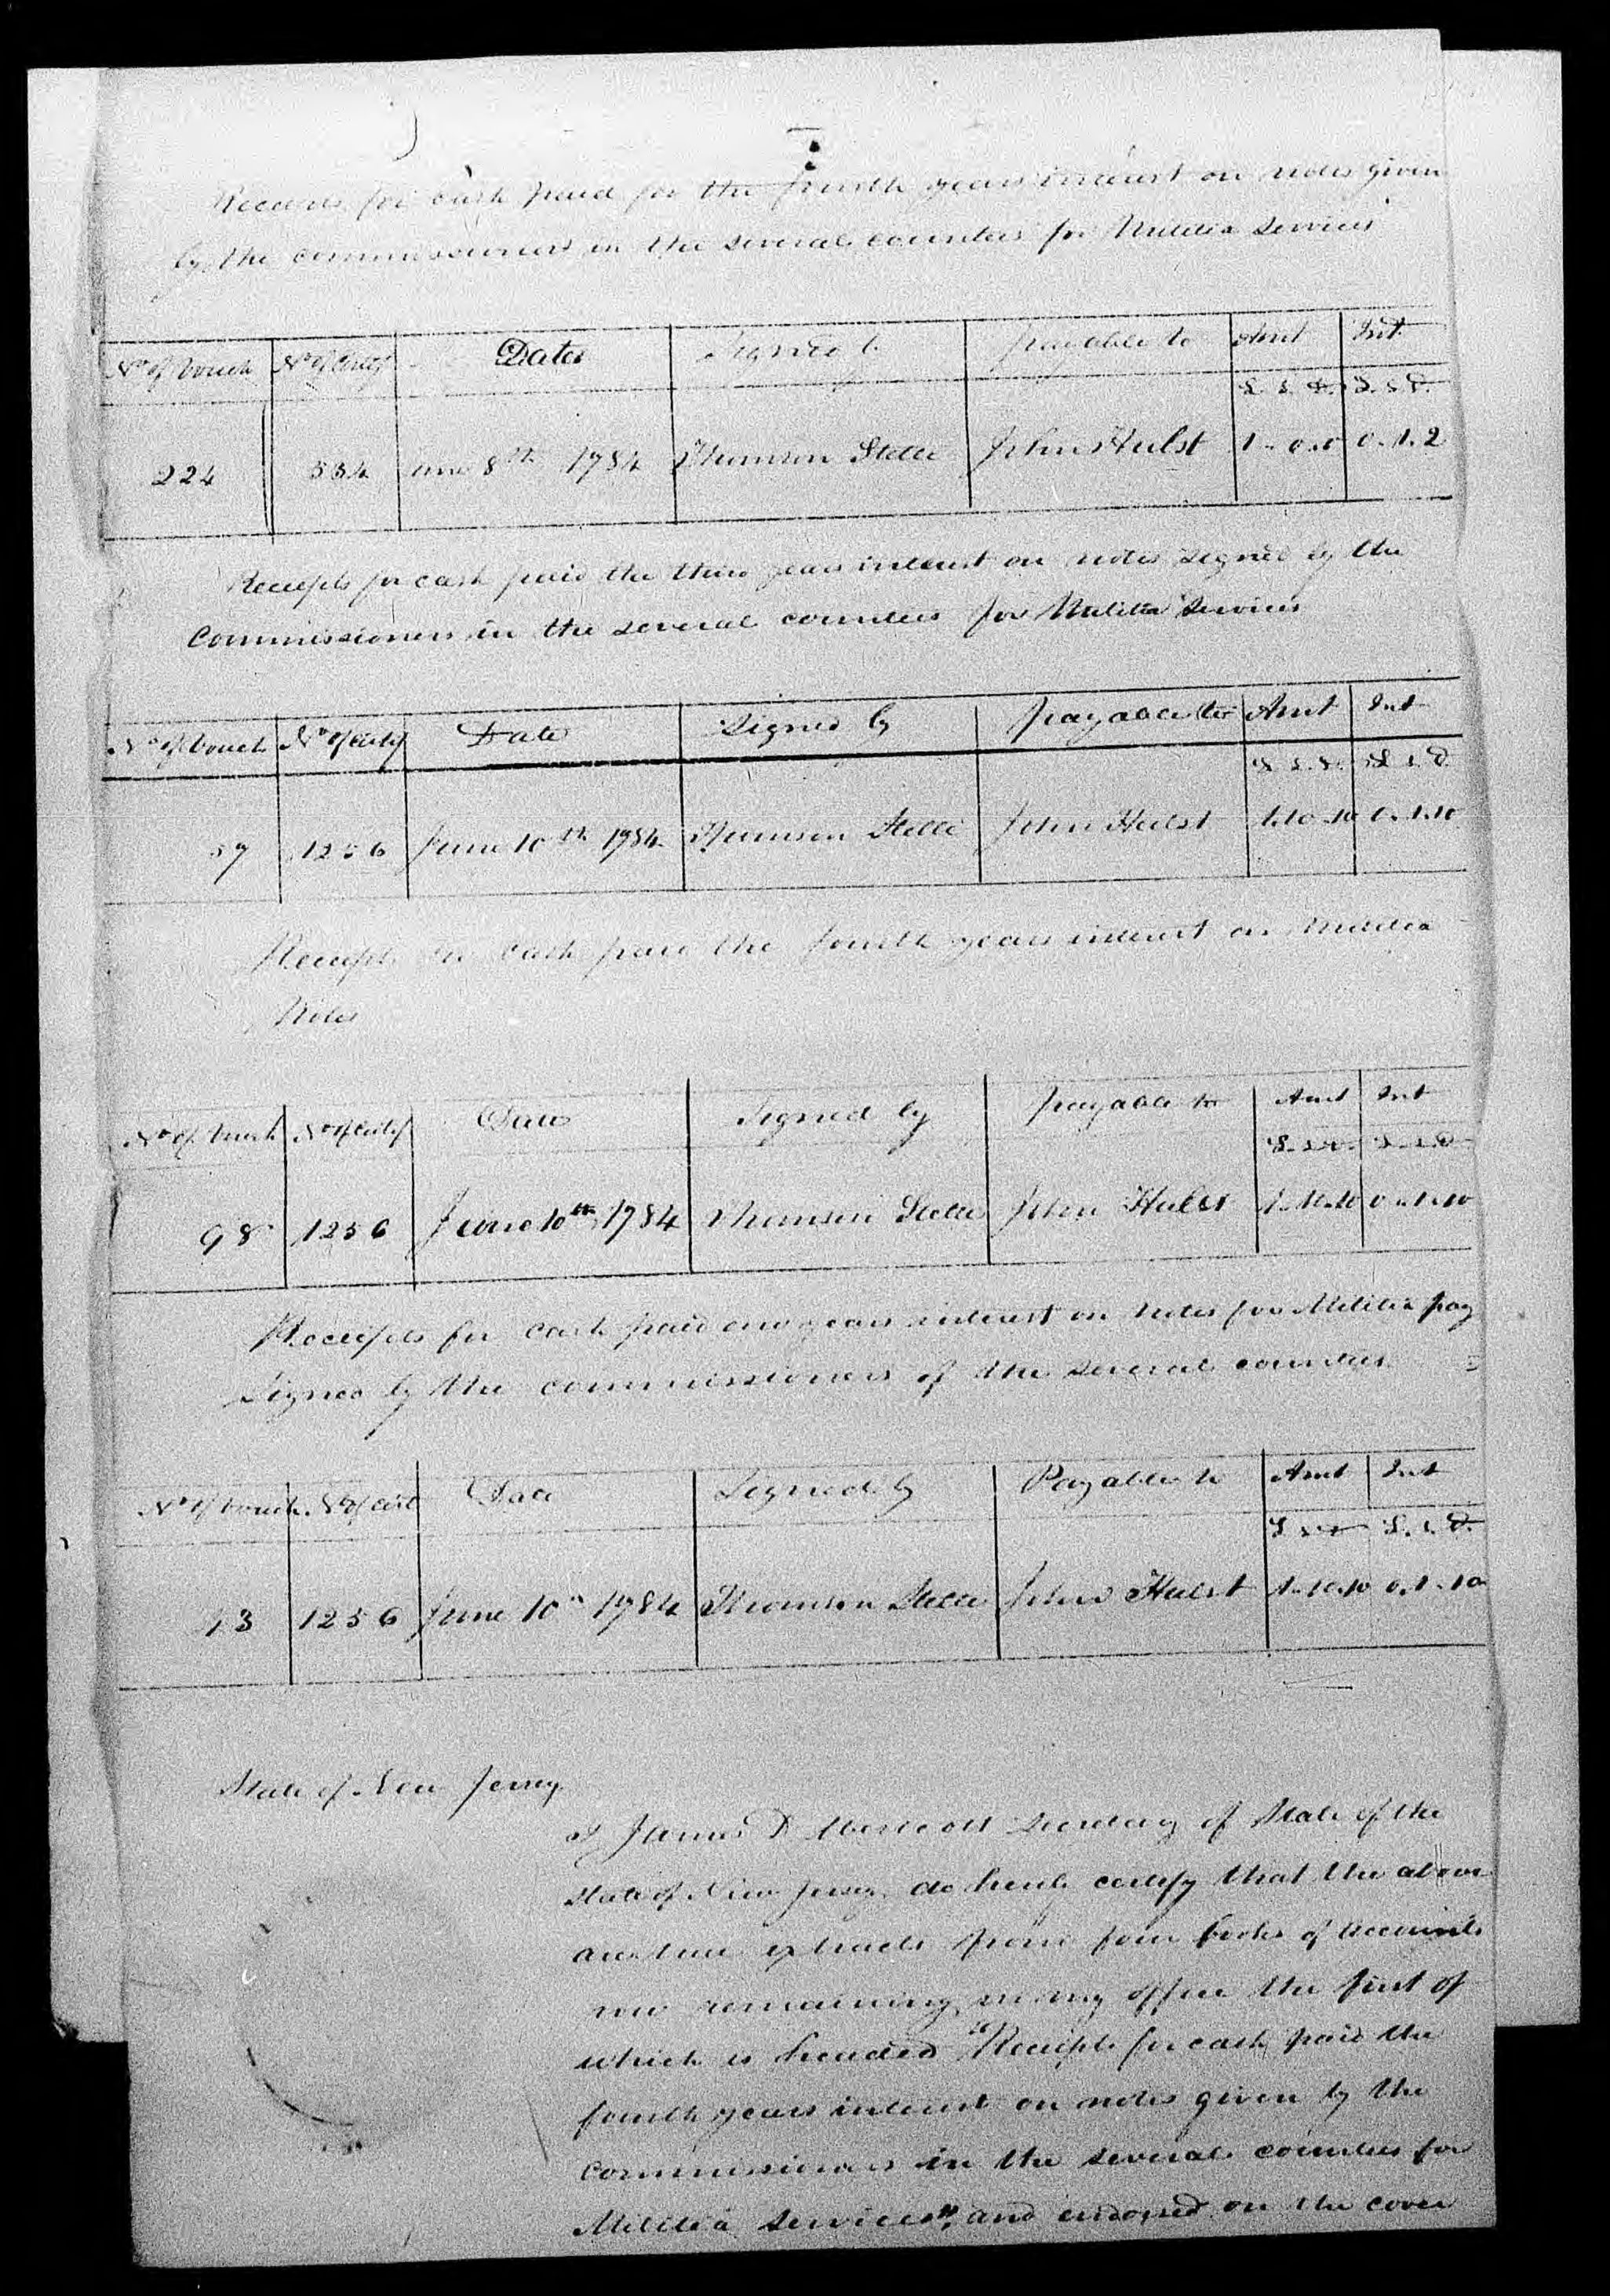Receipts for cash paid for the fourth years interest on notes given by the commissioners in the several counties for Militia Services

[table follows with 7 columns; column headings as follows:
(1) No. of Vouch
(2) No. of Certif.
(3) Date
(4) Signed by
(5) Payable to
(6) Amt
(7) Int.
[text beneath the columns:]
(1) 224
(2) 534
(3) June 8th 1784
(4) Thomson Stelle
(5) John Hulst
(6) L.1 S.0 D.5
(7) L.0 S.1 D.2
[end of table]


Receipts for cash paid the third years interest on notes signed by the commissioners in the several counties for Militia services

[table follows with 7 columns; column headings as follows:
(1) No. of Vouch
(2) No. of Certif.
(3) Date
(4) Signed by
(5) Payable to
(6) Amt
(7) Int.
[text beneath the columns:]
(1) 57
(2) 1256
(3) June 10th 1784.
(4) Thomson Stelle
(5) John Hulst
(6) L.1 S.10 D.10
(7) L.0 S.1 D.10
[end of table]

Receipts for cash paid for the fourth years interest on Militia notes

[table follows with 7 columns; column headings as follows:
(1) No. of Vouch
(2) No. of Certif.
(3) Date
(4) Signed by
(5) Payable to
(6) Amt
(7) Int.
[text beneath the columns:]
(1) 98
(2) 1256
(3) June 10h 1784
(4) Thomson Stelle
(5) John Hulst
(6) L.1 S.11 D.10
(7) L.0 S.1 D.10
[end of table


Receipts for cash paid one years interest on notes for Militia pay Signed by the commissioner of the several counties
[table follows with 7 columns; column headings as follows:
(1) No. of Vouch
(2) No. of Certif.
(3) Date
(4) Signed by
(5) Payable to
(6) Amt
(7) Int.
[text beneath the columns:]
(1) 13
(2) 1256
(3) June 10, 1784
(4) Thomson Stelle
(5) John Hulst
(6) l.q S.q0 D.10
(7) L.0 S.1 D.10
[end of table]

State of New Jersey
I James D Westcott Secretary of State of the
State of New Jersey do hereby certify that the above are true extracts from four books of accounts now remaining in my office the first of
which is headed Receipt for cash paid the fourth years interest on notes given by the commissioner in the several counties for Militia services, and endorsed on the cover
[seal affixed at left]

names: John Hulst, Thomson Stelle, James D Westcott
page: 15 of 34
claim: widow's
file: W. 940, John Hulshart, New Jersey